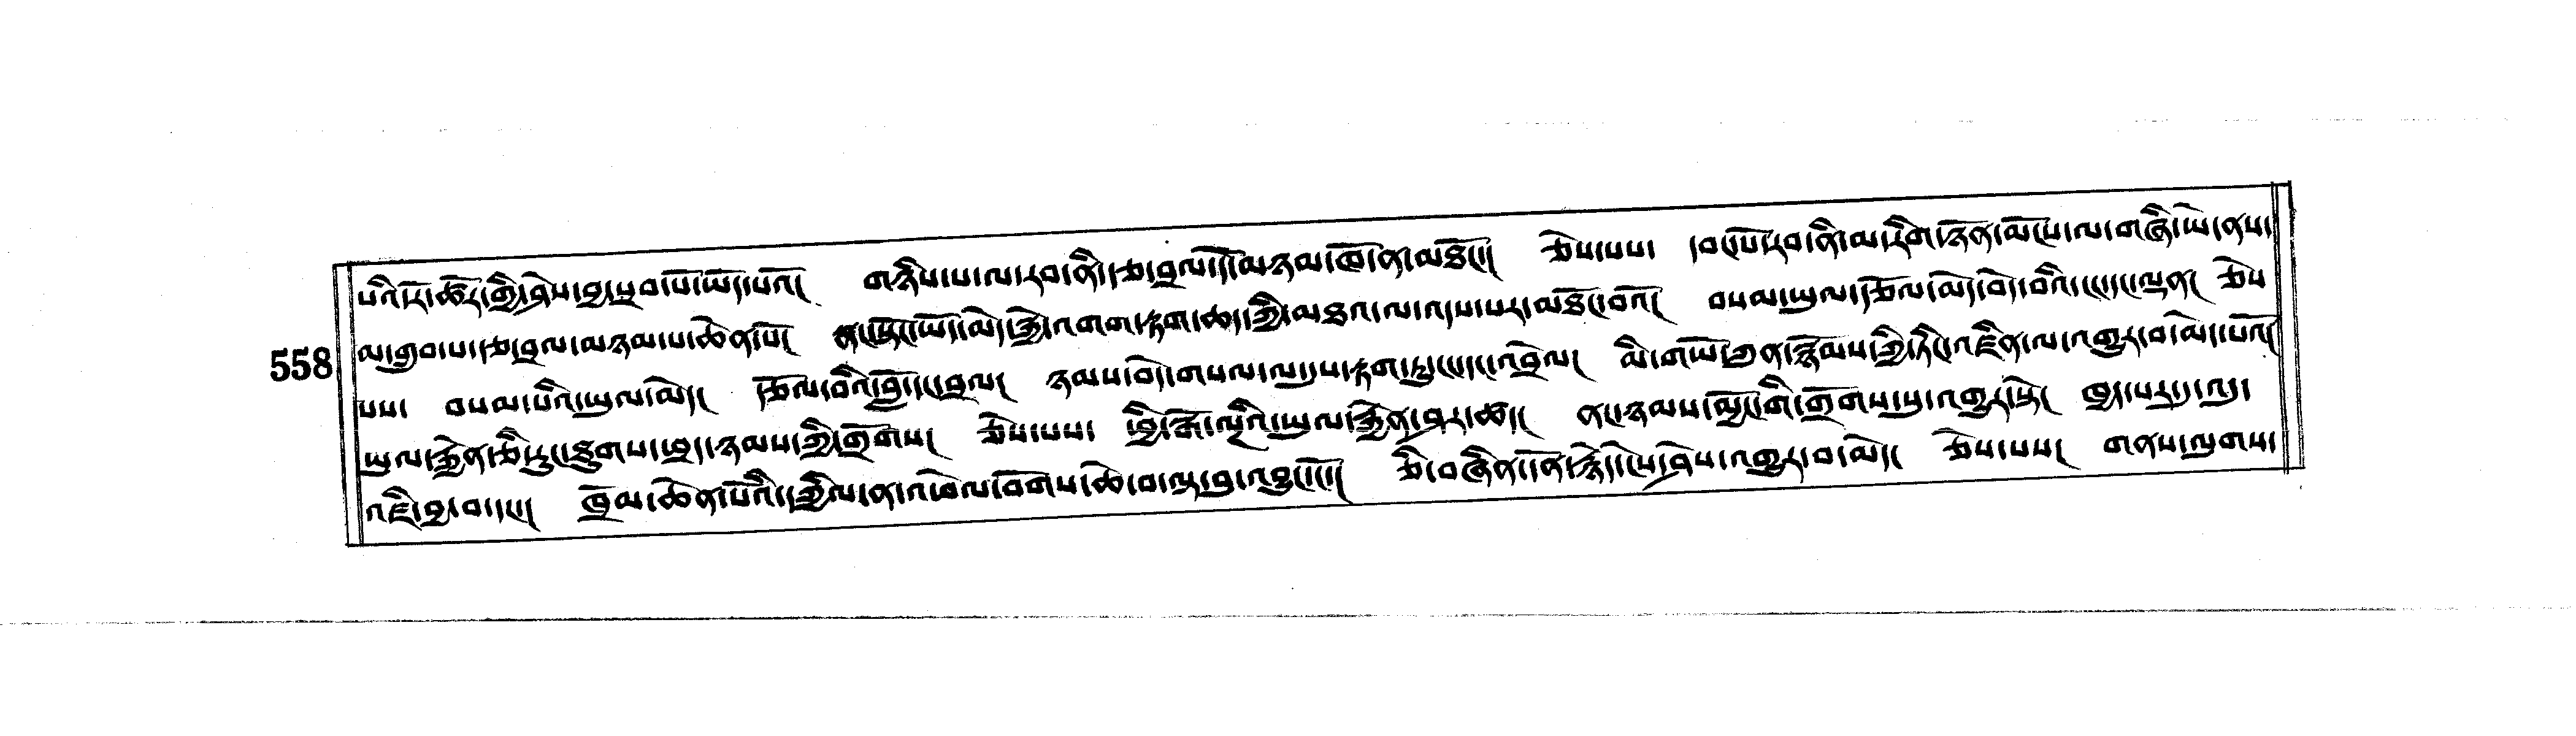པའི་རོ་ཚོར་གྱི་ཤེས་བྱ་སྲབ་པོ་ཡོད་པའོ། གཉིས་པ་ལ་རབ་ནི་རྩ་བྲལ་དོ་མཉམ་ཁོ་ན་མཐོང་། ཅེས་པས། དབང་པོ་རབ་ནི་མ་རིག་ཉོན་མོངས་ལ་གཞི་ཡེ་ནས་
མ་གྲུབ་པ་རྩ་བྲལ་མཉམ་པ་ཆེན་པོ། སྣང་སྟོང་ཡོད་མེད་སྐྱེ་འགག་རྟག་ཆད་ཀྱི་མཐའ་ལས་འདས་པར་མཐོང་བའོ། བསམ་ཡུལ་རྩོལ་མེད་བདེ་བའི་ངང་དང་ལྡན། 
བསམ་པའི་ཡུལ་མེད་རྩོལ་བའི་བློ་དང་བྲལ། ཉམས་བདེ་གསལ་ལ་དུས་རྟག་ཏུ་ངང་དང་འབྲེལ། མི་གཡོ་ཀུན་སྙོམས་ཀྱི་ཏིང་འཛིན་ལ་འགྱུར་བ་མེད་པའོ། 
ཡུལ་རྐྱེན་ཐུགས་འཕྲད་ཉམས་ཀྱི་གྲོགས། ཅེས་པས། ཕྱི་སྒོ་ལྔའི་ཡུལ་རྐྱེན་ཤར་ཚད། ནང་ཉམས་མྱོང་གི་གྲོགས་སུ་འགྱུར་ཏེ། ཁྱད་པར་དུ་འདུ་
ཛི་བྱ་བ་དང་། ཁྲོམ་ཆེན་པོའི་དཀྱིལ་ན་འཕེལ་བོགས་ཆེ་བ་ལྟ་བུ་འབྱུང་ངོ་། ཅི་བཞིན་དོན་རྙེད་ངེས་ཤེས་འགྱུར་བ་མེད། ཅེས་པས། གནས་ལུགས་